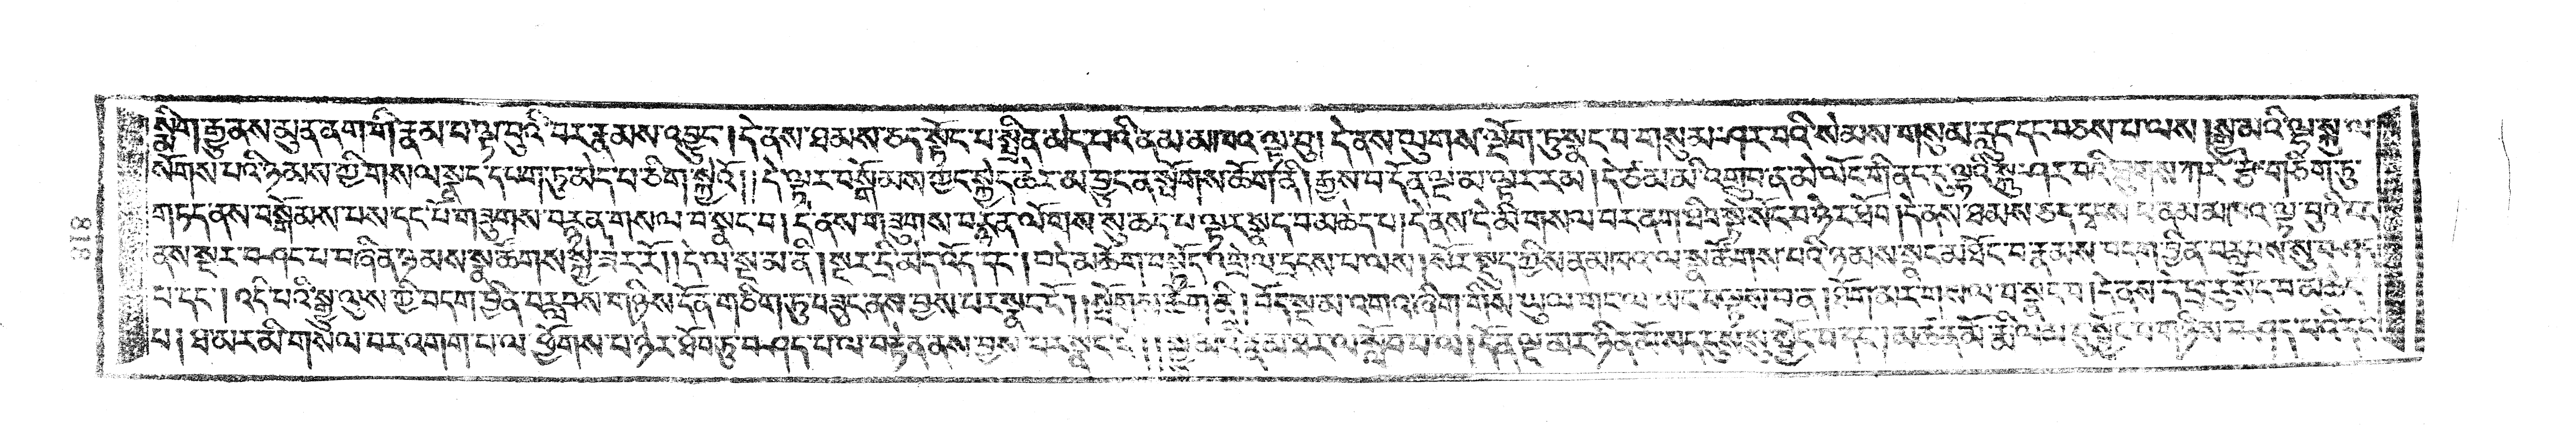སྨིག་རྒྱུ་ནས་མུན་ནག་གི་རྣམ་པ་ལྟ་བུའི་བར་རྣམས་འབྱུང་། དེ་ནས་ཐམས་ཅད་སྟོང་པ་སྤྲིན་མེད་པའི་ནམ་མཁའ་ལྟ་བུ། དེ་ནས་ལུགས་ལྡོག་ཏུ་སྣང་བ་གསུམ་ཤར་བའི་སེམས་གསུམ་རླུང་དང་བཅས་པ་ལས། སྒྱུ་མའི་ལྷ་སྐུ་ལ་
སོགས་པའི་ཉམས་ཀྱི་གསལ་སྣང་དཔག་ཏུ་མེད་པ་ཅིག་སྐྱེའོ། །དེ་ལྟར་བསྒོམས་ཀྱང་སྐྱེད་ཆེར་མ་བྱུང་ན་སྤོགས་ཆོག་ནི། རྒྱས་པ་དོན་ལྔ་མ་ལྟར་རམ། དེ་ཙམ་མི་འགྲུབ་ན་མེ་ལོང་གི་ནང་དུ་ལྷའི་སྐུ་ཤར་བའི་ཐུགས་ཀར་རྩེ་གཅིག་ཏུ་
གཏད་ནས་བསྒོམས་པས་དང་པོ་གཟུགས་བརྙན་གསལ་བ་སྣང་བ། དེ་ནས་གཟུགས་བརྙན་ལོགས་སུ་ཆད་པ་ལྟར་སྣད་བ་མཆེད་པ། དེ་ནས་དེ་མི་གསལ་བར་ནག་ཐིབ་སྟེ་སོང་བ་ཉེར་ཐོབ། དེ་ནས་ཐམས་ཅད་དྭངས་པ་ནམ་མཁའ་ལྟ་བུའི་ངང་
ནས་སྔར་བཤད་པ་བཞིན་ཉམས་སྣ་ཚོགས་སྐྱེ་ཟེར་རོ། །དེ་ལ་སྔ་མ་ནི། སྔར་དྲི་མེད་འོད་དང་། བདེ་མཆོག་བསྟོད་འགྲེལ་དྲངས་པ་ལས། སོར་སྡུད་ཀྱིས་ནམ་མཁའ་ལ་སྣ་ཚོགས་པའི་ཉམས་སྣང་མཐོང་བ་རྣམས་བདག་བྱིན་བརླབས་སུ་བཤད་
པ་དང་། འདི་པའི་སྒྱུ་ལུས་ཀྱི་བདག་བྱིན་བརླབས་གཉིས་དོན་གཅིག་ཏུ་བཟུང་ནས་བྱས་པར་སྣང་ངོ། །སྤོགས་ཆོག་ནི། བོད་སྔ་མ་འགའ་ཞིག་གིས་ཡུལ་གང་ལ་ཡང་བལྟས་པ་ན། ཐོག་མར་གསལ་བ་སྣང་བ། དེ་ནས་དེ་ཕྲ་རུ་སོང་བ་མཆེད་
པ། ཐ་མར་མི་གསལ་བར་འགག་པ་ལ་ཕྱོགས་པ་ཉེར་ཐོབ་ཏུ་བཤད་པ་ལ་བརྟེན་ནས་བྱས་པར་སྣང་ངོ། །སྒྱུ་མའི་རྣམ་ཐར་ལ་སློབ་པ་ལ། དོན་ལྔ་མར་ཉིན་མོ་སད་དུས་སུ་སྦྱོང་བ་དང་། མཚན་མོ་རྨི་ལམ་དུ་སྦྱོང་བ་གཉིས་བཤད་པའི་དང་